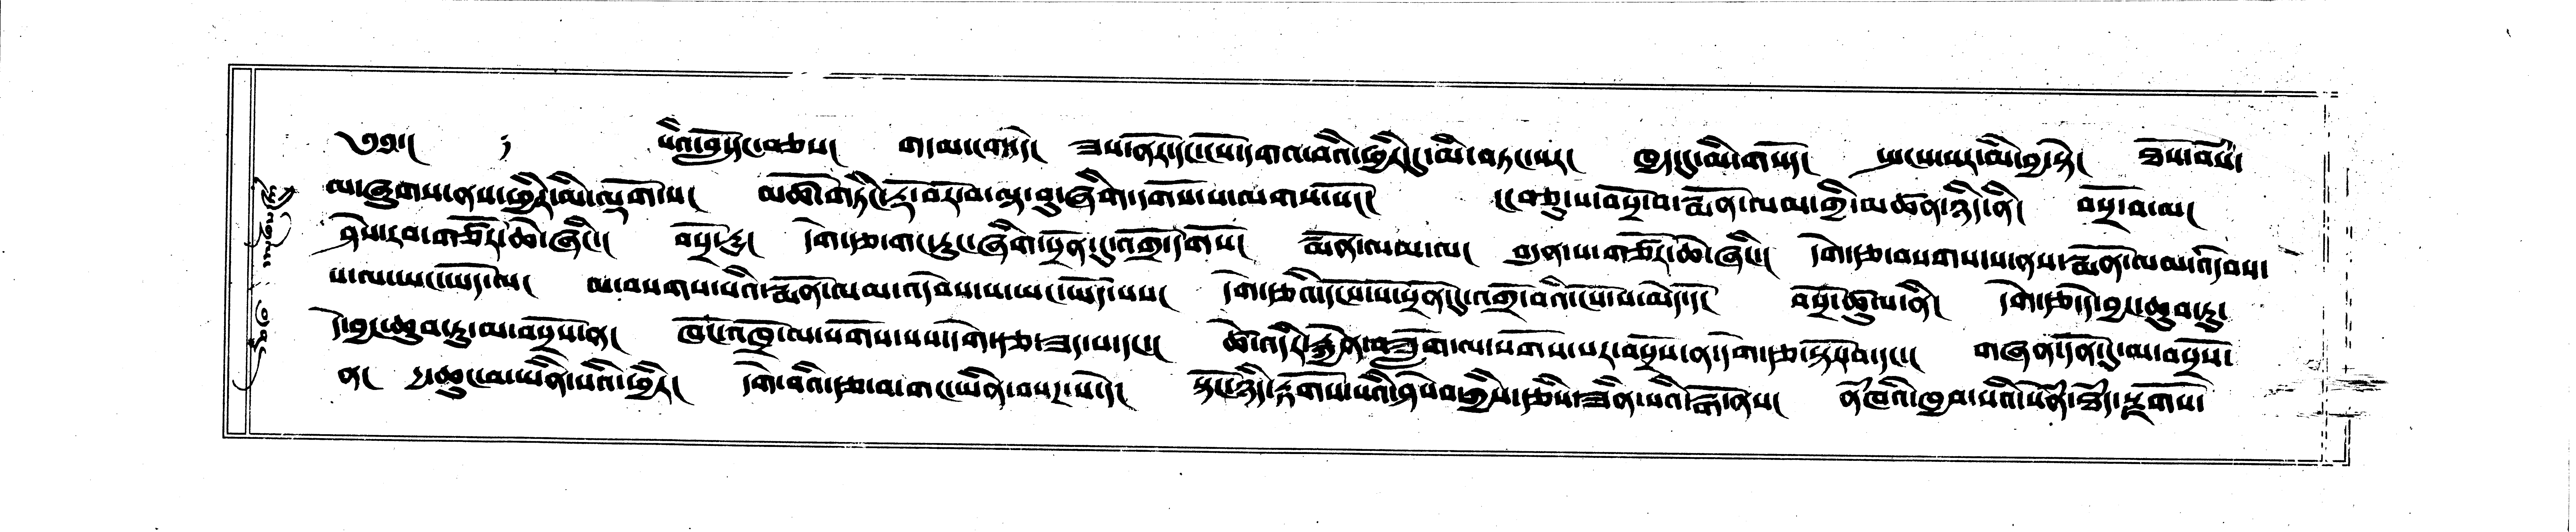པའི་བློ་དང་བཅས། གདམ་ངག་དེ་ཟས་ནོར་དང་ངོས་དགའ་བའི་ཕྱིར་དུ་མི་གཏོང་བར། ཁྱད་དུ་མི་གསོད། སྤང་བར་མི་བྱ་སྟེ། ཐོས་བསམ་
མཞུགས་ནས་ཕྱིར་མི་ལྡོག་པ། མཚོ་གཏིང་རྡོ་བོར་བ་ལྟ་བུ་ཞིག་དགོས་པ་ལགས་སོ། །བཅུ་པ་བསྔོ་བ་སྨོན་ལམ་གྱི་མཚན་ཉིད་ནི། བསྔོ་བ་ལ་
ཤེས་རབ་གཙོར་ཆེ་ཞིང་། བསྔོ་རྒྱུ་དགེ་རྩ་གང་རུང་ཞིག་སྔོན་དུ་འགྲོ་དགོས། སྨོན་ལམ་ལ་འདུན་པ་གཙོར་ཆེ་ཞིང་། དགེ་རྩ་བསགས་པ་ནས་སྨོན་ལམ་འདེབས་
པ་ལ་ཡང་ཡོད་ལ། མ་བསགས་པའི་སྨོན་ལམ་འདེབས་པ་ཡང་ཡོད་པས། དགེ་རྩའི་དངོས་པོ་སྔོན་དུ་འགྲོ་བའི་ངེས་པ་མེད་དོ། །བསྔོ་ཚུལ་ནི། དགེ་རྩ་དེ་བྱང་ཆུབ་ཏུ་
དེ་བྱང་ཆུབ་ཏུ་མ་བསྔོས་ན། ཁོང་ཁྲོ་ལ་སོགས་པས་དགེ་རྩ་ཟད་པ་དང་། ཚེ་འདིར་རྐྱེན་ཟློག་ལ་སོགས་པས་བསྔོས་ན། དགེ་རྩ་སྟོར་བ་དང་། གཞན་དོན་དོན་དུ་མ་བསྔོས་
ན་ རྒྱ་ཆུང་བ་ཡིན་པའི་ཕྱིར། དགེ་བའི་རྩ་བ་གང་ཡིན་བསགས་པ་དེ། སྟོང་ཉིད་རྟོགས་པའི་ཤེས་རབ་ཀྱིས་རྩིས་ཟིན་པའི་སྒོ་ནས། ནམ་མཁས་ཁྱབ་པའི་སེམས་ཅན་ཐམས་ཅད་རྫོགས་